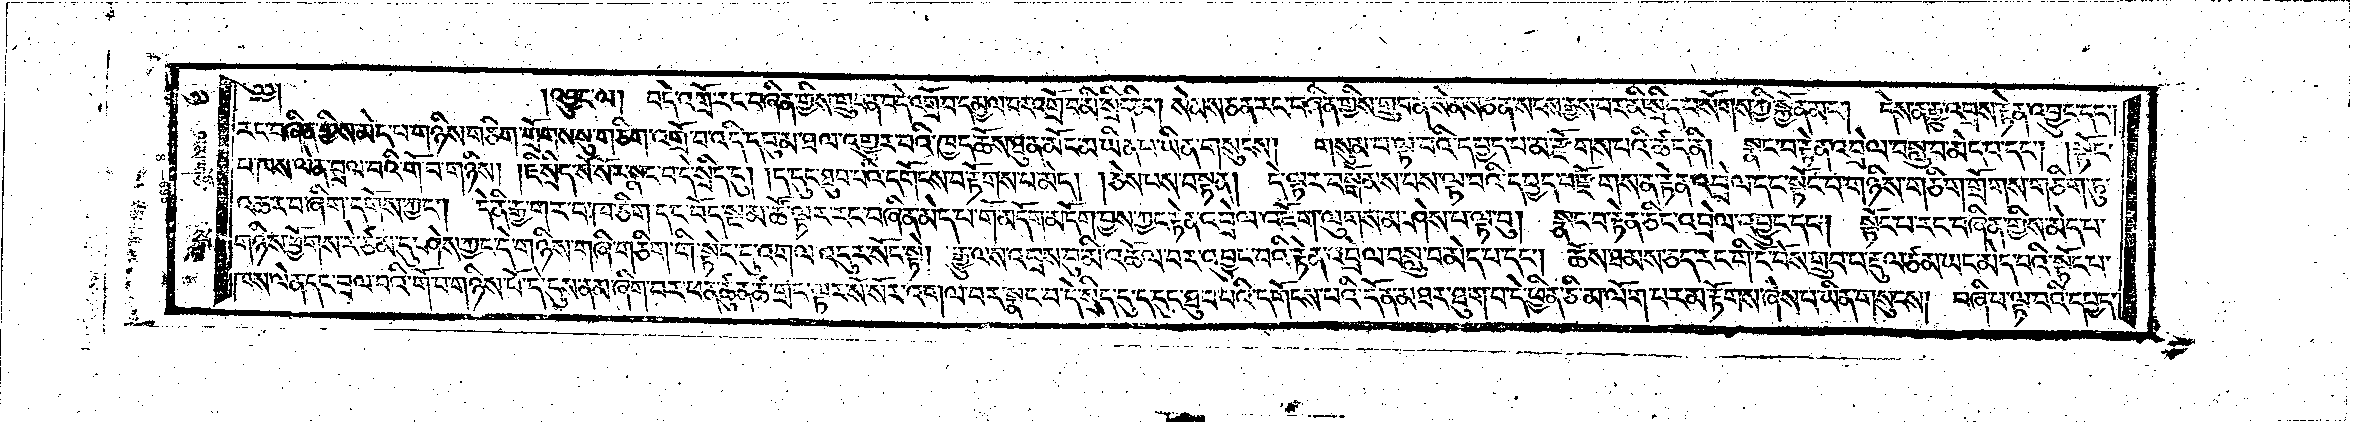༄༅། །འབྱུང་ལ། བདེ་འགྲོ་རང་བཞིན་གྱིས་གྲུབ་ན་བདེ་འགྲོ་བ་དམྱལ་བར་འགྲོ་བ་མི་སྲིད་ཅིང་། སེམས་ཅན་རང་བཞིན་གྱིས་གྲུབ་ན་སེམས་ཅན་སངས་རྒྱས་པར་མི་སྲིད་པ་སོགས་ཀྱི་སྐྱོན་མང་། དེས་ན་རྒྱུ་འབྲས་རྟེན་འབྱུང་དང་།
རང་བཞིན་གྱིས་མེད་པ་གཉིས་གཅིག་གྲོགས་སུ་གཅིག་འགྲོ་བ་འདི་དབུ་མ་ཐལ་འགྱུར་བའི་ཁྱད་ཆོས་ཐུན་མོང་མ་ཡིན་པ་ཡིན་གསུངས། གསུམ་པ་ལྟ་བའི་དཔྱད་པ་མ་རྫོགས་པའི་ཚད་ནི། སྣང་བ་རྟེན་འབྲེལ་བསླུ་བ་མེད་པ་དང་། །སྟོང་
པ་ཁས་ལེན་བྲལ་བའི་གོ་བ་གཉིས། །ཇི་སྲིད་སོ་སོར་སྣང་བ་དེ་སྲིད་དུ། །ད་དུང་ཐུབ་པའི་དགོངས་པ་རྟོགས་པ་མེད། །ཅེས་པས་བསྟན། དེ་ལྟར་བསྒོམས་པས་ལྟ་བའི་དཔྱད་པ་རྫོགས་ན་རྟེན་འབྲེལ་དང་སྟོང་པ་གཉིས་གཅིག་གྲོགས་གཅིག་ཏུ་
འཆར་བ་ཞིག་དགོས་ཀྱང་། དེ་ནི་རྒྱ་གར་བ་ཁ་ཅིག་དང་བོད་སྔ་མ་ཚོ་ལྟར་རང་བཞིན་མེད་པ་གོ་མདོག་མདོག་བྱས་ཀྱང་རྟེན་འབྲེལ་འཇོག་ལུགས་མ་ཤེས་པ་ལྟ་བུ། སྣང་བ་རྟེན་ཅིང་འབྲེལ་འབྱུང་དང་། སྟོང་པ་རང་བཞིན་གྱིས་མེད་པ་
གཉིས་ཕྱོགས་རེ་ཙམ་དུ་ཤེས་ཀྱང་དེ་གཉིས་གཞི་གཅིག་གི་སྟེང་དུ་འགལ་འདུར་སོང་སྟེ། རྒྱུ་ལས་འབྲས་བུ་མི་འཆོལ་བར་འབྱུང་བའི་རྟེན་འབྲེལ་བསླུ་བ་མེད་པ་དང་། ཆོས་ཐམས་ཅད་རང་གི་ངོ་བོས་གྲུབ་པ་རྡུལ་ཙམ་ཡང་མེད་པའི་སྟོང་པ་
ཁས་ལེན་དང་བྲལ་བའི་གོ་བ་གཉིས་པོ་དེ་དུས་ནམ་ཞིག་བར་ཕན་ཚུན་ཚ་གྲང་ལྟར་སོ་སོར་འགལ་བར་སྣང་བ་དེ་སྲིད་དུ་ད་དུང་ཐུབ་པའི་དགོངས་པའི་དོན་མཐར་ཐུག་པ་དེ་ཕྱིན་ཅི་མ་ལོག་པར་མ་རྟོགས་ཞེས་པ་ཡིན་གསུངས། བཞི་པ་ལྟ་བའི་དཔྱད་